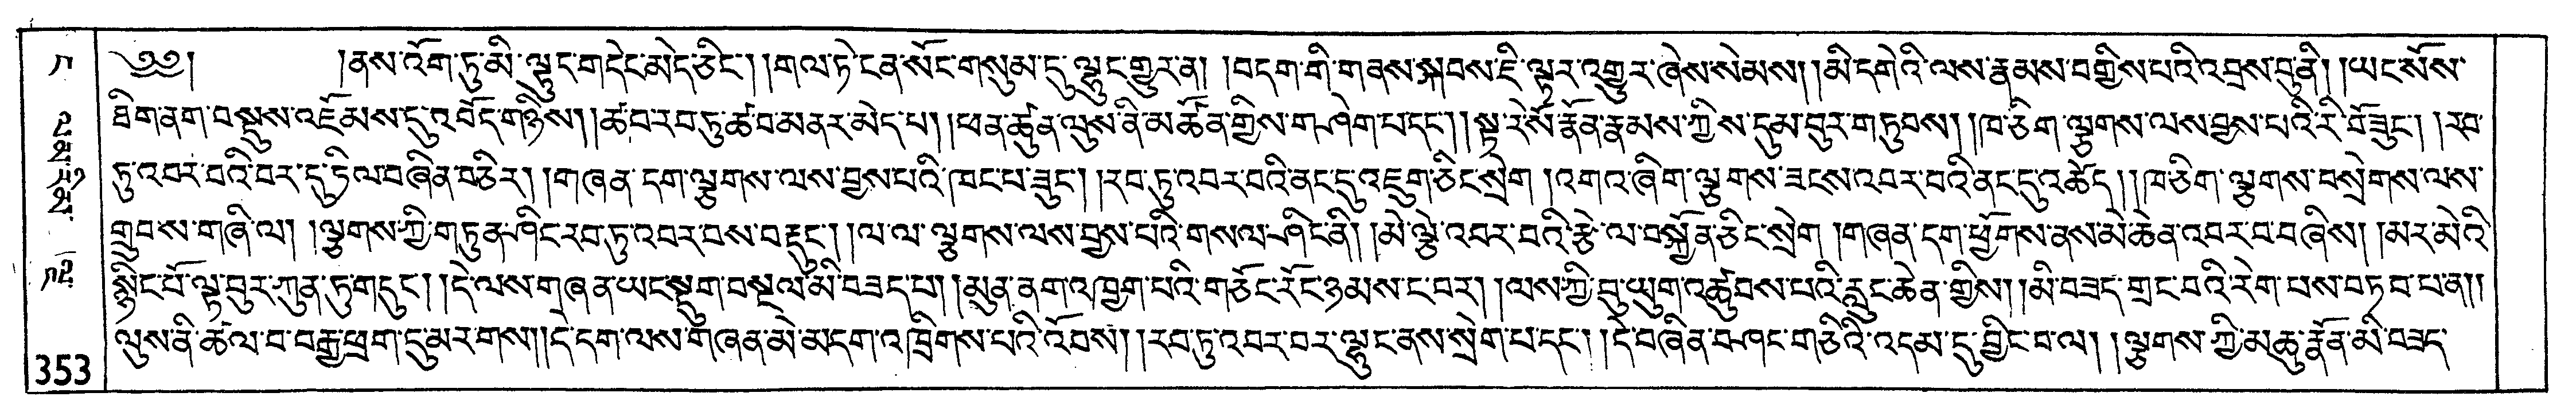༄༅། །ནས་འོག་ཏུ་མི་ལྟུང་གདེང་མེད་ཅིང་། །གལ་ཏེ་ངན་སོང་གསུམ་དུ་ལྷུང་གྱུར་ན། །བདག་གི་གནས་སྐབས་ཇི་ལྟར་འགྱུར་ཞེས་སེམས། །མི་དགེའི་ལས་རྣམས་བགྱིས་པའི་འབྲས་བུ་ནི། །ཡང་སོས་
ཐིག་ནག་བསྡུས་འཇོམས་དུ་འབོད་གཉིས། །ཚ་བ་རབ་ཏུ་ཚ་བ་མནར་མེད་པ། །ཕན་ཚུན་ལུས་ནི་མཚོན་གྱིས་གཤེག་པ་དང་། །སྟ་རེ་སོ་རྣོན་རྣམས་ཀྱིས་དུམ་བུར་གཏུབས། །ཁ་ཅིག་ལྕགས་ལས་བྱས་པའི་རི་བོ་ཟུང་། །རབ་
ཏུ་འབར་བའི་བར་དུ་ཏིལ་བཞིན་བཅིར། །གཞན་དག་ལྕགས་ལས་བྱས་པའི་ཁང་པ་ཟུང་། །རབ་ཏུ་འབར་བའི་ནང་དུ་འཇུག་ཅིང་སྲེག །འགའ་ཞིག་ལྕགས་ཟངས་འབར་བའི་ནང་དུ་འཚེད། །ཁ་ཅིག་ལྕགས་བསྲེགས་ལས་
གྲུབ་ས་གཞི་ལ། །ལྕགས་ཀྱི་གཏུན་ཤིང་རབ་ཏུ་འབར་བས་བརྡུང་། །ལ་ལ་ལྕགས་ལས་བྱས་པའི་གསལ་ཤིང་ནི། །མེ་ལྕེ་འབར་བའི་རྩེ་ལ་བསྐྱོན་ཅིང་སྲེག །གཞན་དག་ཕྱོགས་ནས་མེ་ཆེན་འབར་བ་བཞིས། །མར་མེའི་
སྙིང་པོ་ལྟ་བུར་ཀུན་ཏུ་གདུང་། །དེ་ལས་གཞན་ཡང་སྡུག་བསྔལ་མི་བཟད་པ། །མུན་ནག་འཁྱག་པའི་གཅོང་རོང་ཉམས་ང་བར། །ལས་ཀྱི་བུ་ཡུག་འཚུབས་པའི་རླུང་ཆེན་གྱིས། །མི་བཟད་གྲང་བའི་རེག་པས་བཏབ་པ་ན། །
ལུས་ནི་ཚལ་བ་བརྒྱ་ཕྲག་དུ་མར་གས། །དེ་དག་ལས་གཞན་མེ་མདག་འཁྲིགས་པའི་འོབས། །རབ་ཏུ་འབར་བར་ལྷུང་ནས་སྲེག་པ་དང་། །དེ་བཞིན་བཤད་གཅིའི་འདམ་དུ་བྱིང་བ་ལ། །ལྕགས་ཀྱི་མཆུ་རྣོན་མི་བཟད་